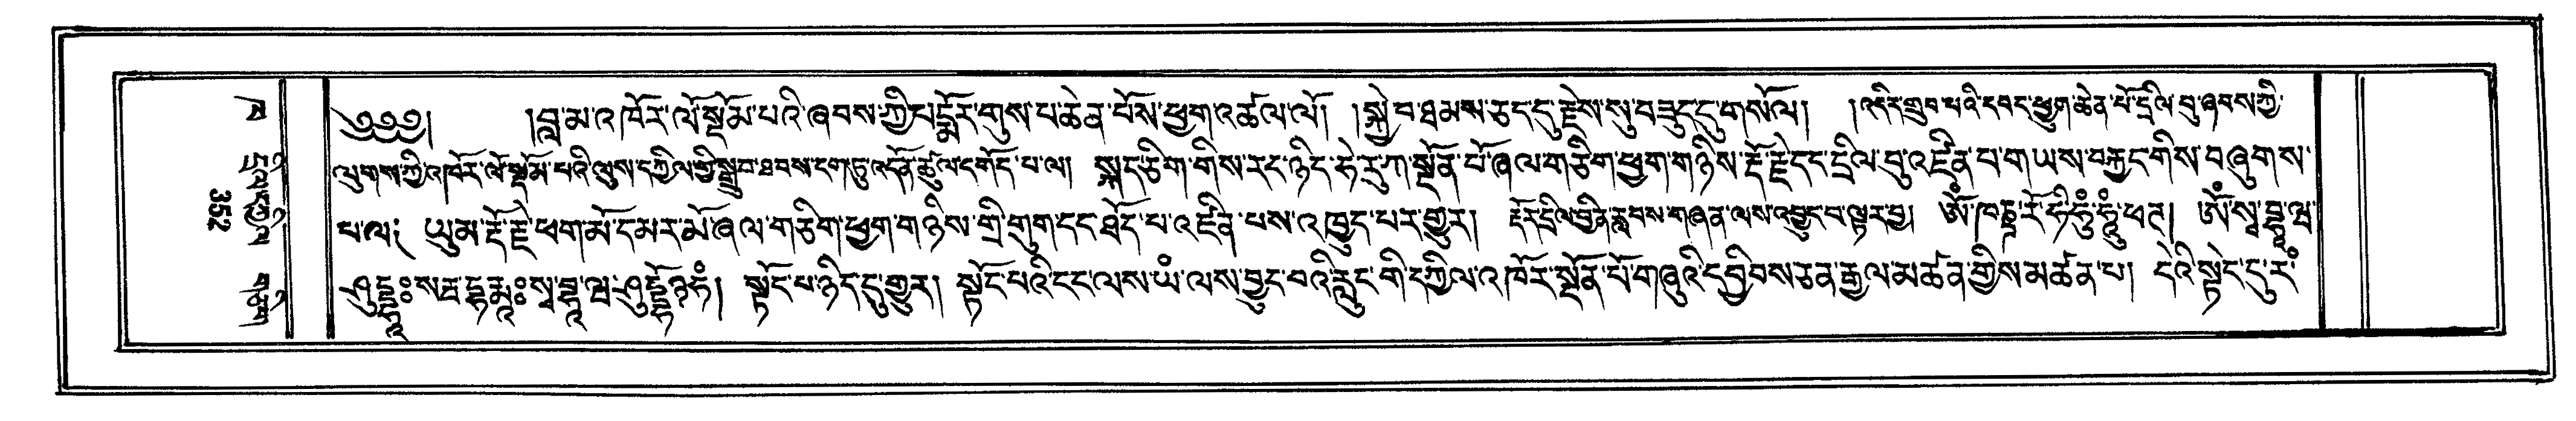༄༅༅། །བླ་མ་འཁོར་ལོ་སྡོམ་པའི་ཞབས་ཀྱི་པདམོར་གུས་པ་ཆེན་པོས་ཕྱག་འཚལ་ལོ། །སྐྱེ་བ་ཐམས་ཅད་དུ་རྗེས་སུ་བཟུང་དུ་གསོལ། །འདིར་གྲུབ་པའི་དབང་ཕྱུག་ཆེན་པོ་དྲིལ་བུ་ཞབས་ཀྱི་
ལུགས་ཀྱི་འཁོར་ལོ་སྡོམ་པའི་ལུས་དཀྱིལ་གྱི་སྒྲུབ་ཐབས་ངག་ཏུ་འདོན་ཚུལ་དགོད་པ་ལ། སྐད་ཅིག་གིས་རང་ཉིད་ཧེ་རུ་ཀ་སྔོན་པོ་ཞལ་གཅིག་ཕྱག་གཉིས་རྡོ་རྗེ་དང་དྲིལ་བུ་འཛིན་པ་གཡས་བརྐྱང་གིས་བཞུགས་
པ་ལ༑ ཡུམ་རྡོ་རྗེ་ཕག་མོ་དམར་མོ་ཞལ་གཅིག་ཕྱག་གཉིས་གྲི་གུག་དང་ཐོད་པ་འཛིན་པས་འཁྱུད་པར་གྱུར། རྡོར་དྲིལ་བྱིན་རླབས་གཞན་ལས་འབྱུང་བ་ལྟར་བྱ། ཨོཾ་ཁཎྜ་རོ་ཧི་ཧུཾ་ཧཱུཾ་ཕཊ། ཨོཾ་སྭ་བྷཱ་ཝ་
ཤུདྡྷཱཿ སརྦ་དྷ་རྨཱཿ སྭ་བྷཱ་ཝ་ཤུདྡྷོཉཧཾ། སྟོང་པ་ཉིད་དུ་གྱུར། སྟོང་པའི་ངང་ལས་ཡཾ་ལས་བྱུང་བའི་རླུང་གི་དཀྱིལ་འཁོར་སྔོན་པོ་གཞུའི་དབྱིབས་ཅན་རྒྱལ་མཚན་གྱིས་མཚན་པ། དེའི་སྟེང་དུ་རཾ་